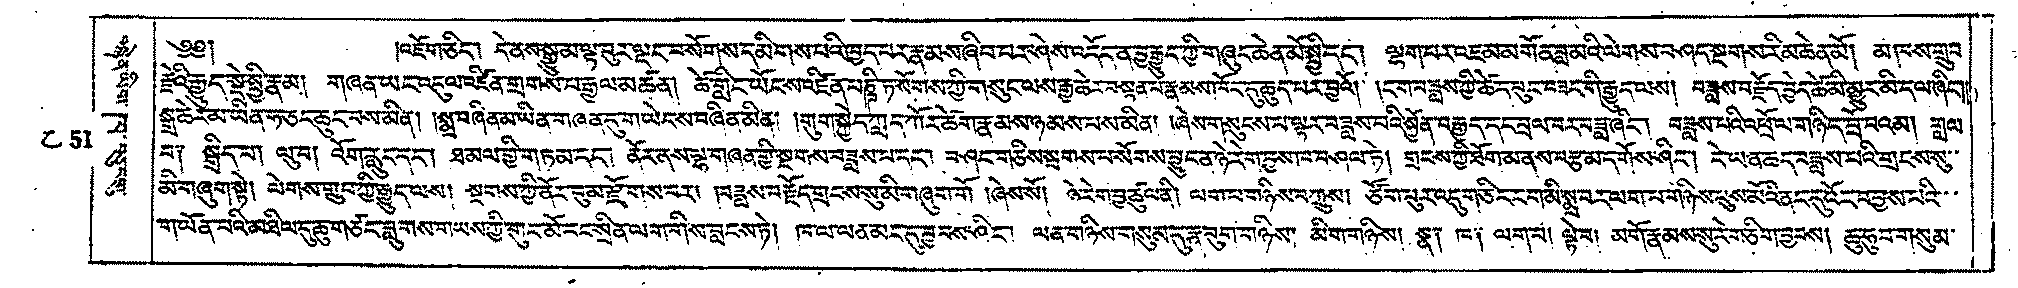༄༅། །འཇོག་ཅིང་། དེ་ནས་སྒྱུ་མ་ལྟ་བུར་ལྡང་བ་སོགས་དམིགས་པའི་ཁྱད་པར་རྣམས་ཞིབ་པར་ཤེས་འདོད་ན་བྱ་རྒྱུད་ཀྱི་གཞུང་ཆེན་མོ་སྤྱི་དང་། ལྷག་པར་འཇམ་མགོན་བླ་མའི་ལེགས་བཤད་སྔགས་རིམ་ཆེན་མོ། མཁས་གྲུབ་
རྗེའི་རྒྱུད་སྡེ་སྤྱི་རྣམ། གཞན་ཡང་འདུལ་འཛིན་གྲགས་པ་རྒྱལ་མཚན། ཚེ་གླིང་ཡོངས་འཛིན་པཎྜི་ཏ་སོགས་ཀྱི་གསུང་ལས་རྒྱ་ཆེར་བསྟན་པ་རྣམས་ཁོང་དུ་ཆུད་པར་བྱའོ། །ངག་བཟླས་ཀྱི་ཚེ་དཔུང་བཟང་གི་རྒྱུད་ལས། བཟླས་བརྗོད་བྱེད་ཚེ་མི་མྱུར་མི་དལ་ཞིང།།
སྒྲ་ཆེར་མ་ཡིན་ཧ་ཅང་ཆུང་བས་མིན། །སྨྲ་བཞིན་མ་ཡིན་གཞན་དུ་གཡེངས་བཞིན་མིན། །གུག་སྐྱེད་ཀླད་ཀོར་ཚེག་རྣམས་ཉམས་པས་མིན། །ཞེས་གསུངས་པ་ལྟར་བཟླས་པའི་སྐྱོན་བརྒྱད་དང་བྲལ་བར་བཟླ་ཞིང་། བཟླས་པའི་འཕྲོ་ལ་གཉིད་བྲོ་བའམ། གླལ་
བ༑ སྒྲིད་པ། ལུ་བ། འོག་རླུང་དང་། ཐ་མལ་གྱི་གཏམ་དང་། ནོར་ནས་ལྷ་གཞན་གྱི་སྔགས་བཟླས་པ་དང་། བཤང་གཅིས་སྤགས་པ་སོགས་བྱུང་ན་ཉེ་རེག་བྱས་ཁ་བཤལ་ཏེ། གྲངས་ཀྱི་ཐོག་མ་ནས་བརྩམ་དགོས་ཤིང་། དེ་ཡན་ཆད་བཟླས་པའི་གྲངས་སུ་་་
མི་གཞུག་སྟེ། ལེགས་གྲུབ་ཀྱི་རྒྱུད་ལས། སྔགས་ཀྱི་ནོར་བུ་མ་རྫོགས་བར། །བཟླས་བརྗོད་གྲངས་སུ་མི་གཞུག་གོ །ཞེས་སོ། ཉེ་རེག་བྱ་ཚུལ་ནི། ལག་པ་གཉིས་བཀྲུས། ཙོག་པུར་འདུག་ཅིང་ངག་མི་སྨྲ་བར་ལག་པ་གཉིས་པུས་མོའི་ནང་དུ་འོང་བ་བྱས་པའི་་་
གཡོན་པའི་མཐིལ་དུ་ཆུ་གཙང་བླུགས་གཡས་ཀྱི་གུང་མོ་དང་སྲིན་ལག་གིས་བླངས་ཏེ། ཁ་ལ་ལན་མང་དུ་བྱ་བས་ཤིང་། ལན་གཉིས་གསུམ་དུ་རྣ་བུག་གཉིས། མིག་གཉིས། སྣ༑ ཁ༑ ལག་པ། ལྟེ་བ། མགོ་རྣམས་སུ་རེག་ཅིག་བྱ་བས། ཆུ་ཧུབ་གསུམ་